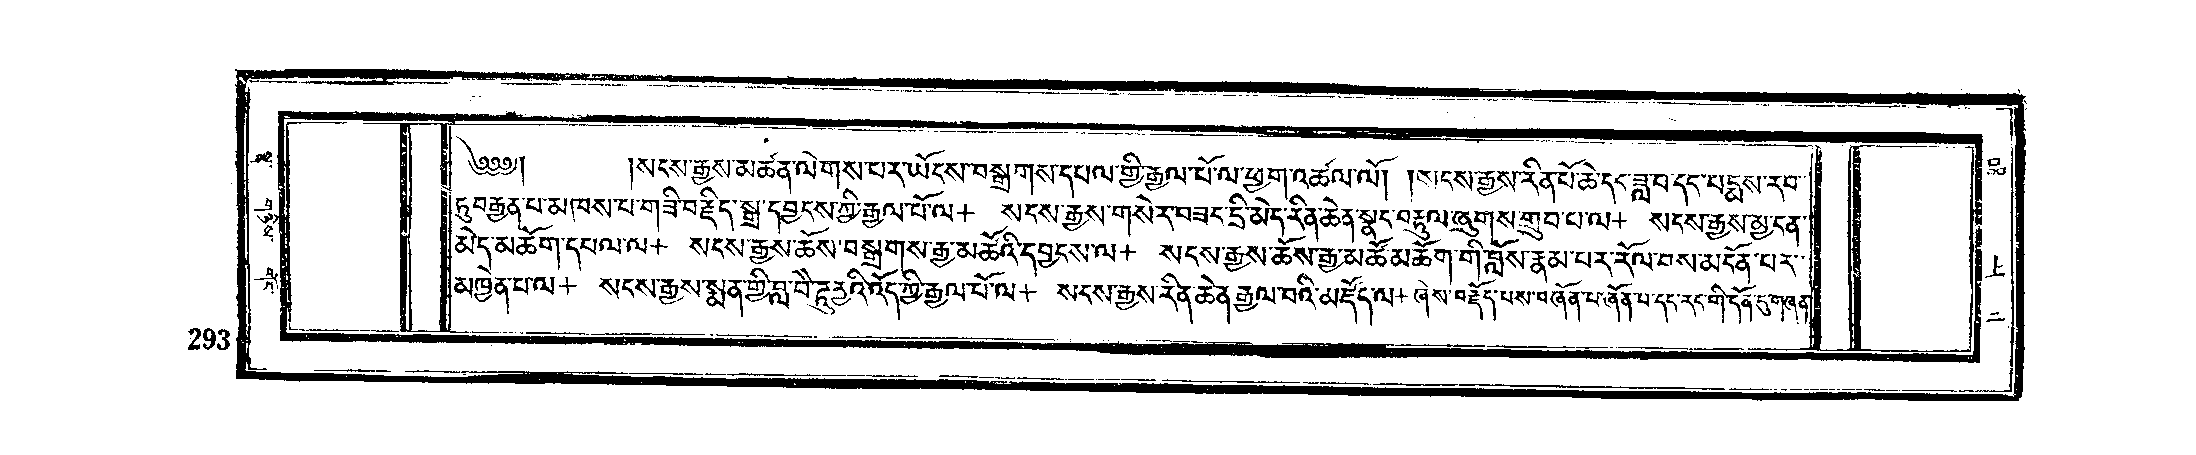༄༅༅། །སངས་རྒྱས་མཚན་ལེགས་པར་ཡོངས་བསྒྲགས་དཔལ་གྱི་རྒྱལ་པོ་ལ་ཕྱག་འཚལ་ལོ། །སངས་རྒྱས་རིན་པོ་ཆེ་དང་ཟླ་བ་དང་པདམས་རབ་
ཏུ་བརྒྱན་པ་མཁས་པ་གཟི་བརྗིད་སྒྲ་དབྱངས་ཀྱི་རྒྱལ་པོ་ལ་+་སངས་རྒྱས་གསེར་བཟང་དྲི་མེད་རིན་ཆེན་སྣང་བརྟུལ་ཞུགས་གྲུབ་པ་ལ་+་སངས་རྒྱས་མྱ་ངན་
མེད་མཆོག་དཔལ་ལ་+་སངས་རྒྱས་ཆོས་བསྒྲགས་རྒྱ་མཚོའི་དབྱངས་ལ་+་སངས་རྒྱས་ཆོས་རྒྱ་མཚོ་མཆོག་གི་བློས་རྣམ་པར་རོལ་བས་མངོན་པར་
མཁྱེན་པ་ལ་+་སངས་རྒྱས་སྨན་གྱི་བླ་བཻ་ཌཱུརྱའི་འོད་ཀྱི་རྒྱལ་པོ་ལ་+་སངས་རྒྱས་རིན་ཆེན་རྒྱལ་བའི་མཛོད་ལ་+་ཞེས་བརྗོད་པས་བཞོན་པ་ཞོན་པ་དང་རང་གི་དོན་དུ་གཞན་